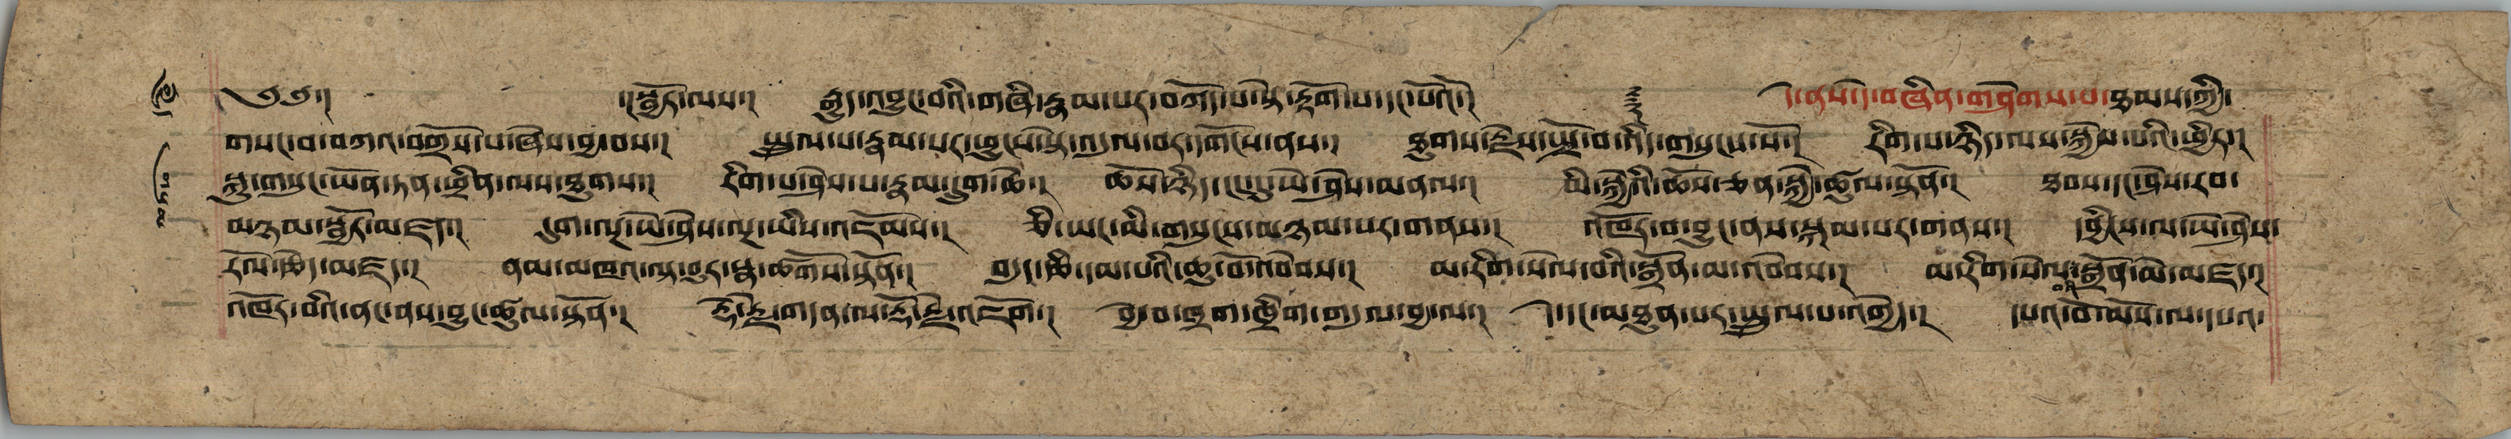༄༅་། ་།སྦྱོར་ལས་། རྒྱུད་འབྱུང་བའི་གཞི་རྣམ་པར་བཀོད་པ་སྟེ་རྟོག་པ་དང་པོའོ་། ࿑ དེ་ནས་དེ་བཞིན་གཤེགས་པ་ཐམས་ཀྱི་
གསང་བ་བཀའ་བགྲོས་པ་ཞེས་བྱ་བས་། སྤྲུལ་པ་རྟམ་པར་ཕྱུངས་སྟེ་འདུལ་བར་དགོངས་ནས་། ཐུགས་རྗེས་སྤྲོ་བ་འདི་གསུངས་སོ་། རིག་པ་ཉིད་ལས་སྐྱེས་པའི་ཕྱིར་།
སྐུ་གསུང་ཡོན་ཏན་ཕྲིན་ལས་ཐུགས་། རིག་པ་ཤེས་པ་རྣམ་དྲུག་ཆེ་། ཆོས་ཉིད་ངང་དུ་ཡེ་ཤེས་མནལ་། མི་སྐྱེའི་ཆོས་ཅན་སྐྱེ་ཚུལ་སྟོན་། ཐབས་དང་ཤེས་རབ་
མཉམ་སྦྱོར་མཛད་། དུག་ལྔ་ཡེ་ཤེས་ལྔ་ཡིས་འཇོམས་། ཅི་ཡང་མི་གསུངས་མཉམ་པར་གནས་། འཁོར་བ་བྱུང་ནས་སྐམ་པར་གནས་། དབྱིངས་ལ་ཡེ་ཤེས་
རོལ་རྩེད་མཛད་། ནམ་མཁའ་ལྟ་བུར་སྣ་ཚོགས་སྟོན་། བདུད་རྩི་དམ་པའི་ཆུ་བོ་འབེབས་། མ་རིག་སེལ་བའི་སྒྲོན་མ་འབེབས་། མ་རིག་སེལ་བའི་སྒྲོན་མེ་མཛད་།
འཁོར་བའི་ནང་ནས་བྱུང་ཚུལ་སྟོན་། རྡོ་རྗེ་གདན་ལ་རྡོ་རྗེ་འཇོག། བྱེ་བ་ཁྲག་ཁྲིག་གདུལ་བྱ་ལ་། དེ་དང་མཐུན་པར་སྤྲུལ་པ་འགྱེད་། དཔའ་བོ་མོས་ལ་དཔའ་